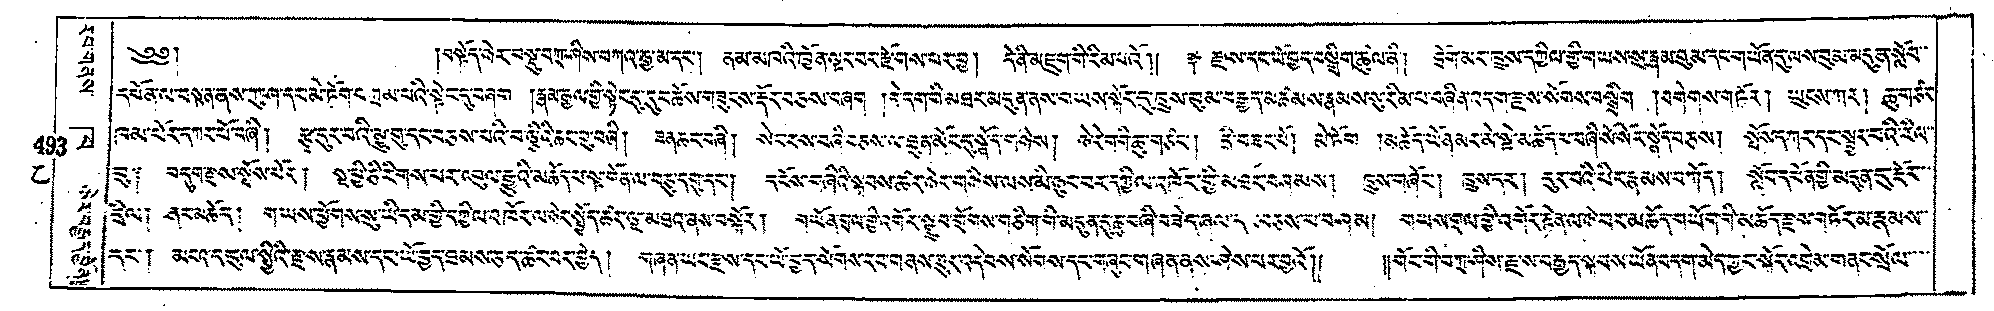༄༅། །བསྟོད་ཉེར་བསྡུ་བཀྲ་ཤིས་བཀའ་རྒྱ་མ་དང་། ནམ་མཁའི་ཁྱོན་ལྟར་བར་རྫོགས་པར་བྱ། དེ་ནི་མཇུག་གི་རིམ་པའོ། ། འ་རྫས་དང་ཡོ་བྱད་བསྒྲིག་ཚུལ་ནི། ཐོག་མར་ཁྲུས་དཀྱིལ་གྱི་གཡས་རྣམ་བུམ་དང་གཡོན་དུ་ལས་བུམ་མདུན་སློབ་
དཔོན་ལ་བསྟན་ནས་ཀུ་ཤ་དང་མེ་ཏོག་བཀྲམ་པའི་སྟེང་དུ་བཞག །རྣམ་རྒྱལ་གྱི་སྟེང་དུ་དུང་ཆོས་གཟུངས་རྡོར་བཅས་བཞག །དེ་དག་གི་མཐར་མདུན་ནས་གཡས་སྐོར་དུ་ཁྲུས་བུམ་བརྒྱད་མཚམས་རྣམས་སུ་རིམ་པ་བཞིན་འདག་རྫས་སོགས་བསྒྲིག །བགེགས་གཏོར། །ཡིངས་ཀར། ཆུ་གཙང་
ཁམ་པོར་དཀར་པོ་བཞི། རྩྭ་དུར་བའི་མྱུ་གུ་དང་བཅས་པའི་བ་ལྕིའི་ཆང་བུ་བཞི། ཟན་ཆང་བཞི། སེང་རས་བཞི་བཅས་ལ་ཐུན་མོང་དུ་སྣོད་གཉིས། ཉེ་རེག་གི་ཆུ་གཙིང་། དྲི་བཟང་པོ། མེ་ཏོག །ཆོད་ཡོན་མར་མེ་སྟེ་མཆོད་པ་བཞི་སོ་སོར་སྣོད་བཅས། །སྤོས་དཀར་དང་སྦྱར་བའི་རིལ་
བུ༑ བདུག་རྫས་སྤོས་ཕོར། སྔ་ཕྱི་ཅི་རིགས་པར་འབུལ་རྒྱུའི་མཆོད་པ་སྟ་གོན་ལ་བཅུ་དགུ་དང་། དངོས་གཞིའི་སྐབས་ཚར་ཉེར་གཉིས་ལས་མི་ཉུང་བར་དཀྱིལ་འཁོར་གྱི་མཐར་བཤམས། ཁྲུས་གཞོང་། ཁྲུས་དར། དུར་བའི་པིར་རྣམས་བཀོད། སློབ་དཔོན་གྱི་མདུན་དུ་རྡོར་
དྲིལ། ནང་མཆོད། གཡས་ཕྱོགས་སུ་ཡིད་མ་གྱི་དཀྱིལ། འཁར་ལ་ཉེར་སྤྱོད་ཚར་ལྔ་མཐའ་ནས་བསྐོར། གཡོན་གྲལ་གྱི་འགོར་སྒྲུབ་གྲོགས་གཅིག་གི་མདུན་དུ་ཆུ་བཞི་བཟེད་ཞལ་དང་བཅས་པ་བཤམ། གཡས་གྲལ་གྱི་འགྲོ་རྟེན་ལ་ཉེ་བར་མཆོད་གཡོག་གི་མཆོད་རྫས་གཏོར་མ་རྣམས་
དང་། མངའ་དབུལ་སྤྱིའི་རྫས་རྣམས་དང་ཡོ་བྱད་ཐམས་ཅད་ཚང་བར་བྱེད། གཞན་ཡང་རྫས་དང་ཡོ་བྱད་སོགས་རབ་གནས་ཟུར་འདེབས་སོགས་དང་གཞུང་གཞན་ནས་ཤེས་པར་བྱའོ།། །།གོང་གི་བཀྲ་ཤིས་རྫས་བརྒྱད་སྐབས་ཡོན་བདག་མེད་ཀྱང་སྐོར་འགྲེམ་གནང་སྲོལ་